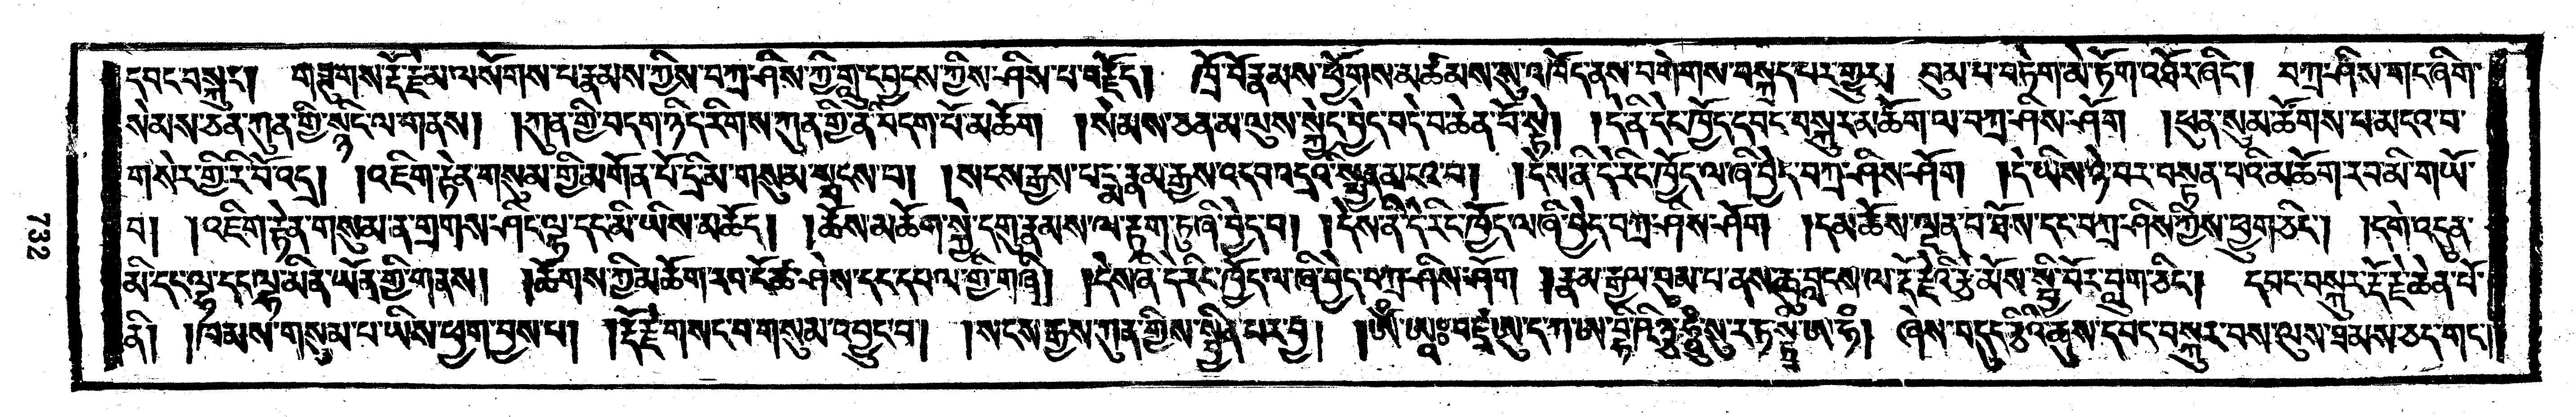དབང་བསྐུར། གཟུགས་རྡོ་རྗེ་མ་ལ་སོགས་པ་རྣམས་ཀྱིས་བཀྲ་ཤིས་ཀྱི་གླུ་དབྱངས་ཀྱིས་ཤིས་པ་བརྗོད། ཁྲོ་བོ་རྣམས་ཕྱོགས་མཚམས་སུ་འཁོད་ནས་བགེགས་བསྐྲད་པར་གྱུར། བུམ་པ་བཏེག་མེ་ཏོག་འཐོར་ཞིང་། བཀྲ་ཤིས་གང་ཞིག་
སེམས་ཅན་ཀུན་གྱི་སྙིང་ལ་གནས། །ཀུན་གྱི་བདག་ཉིད་རིགས་ཀུན་གྱི་ནི་བདག་པོ་མཆོག །སེམས་ཅན་མ་ལུས་སྐྱེད་བྱེད་བདེ་བ་ཆེན་པོ་སྟེ། །དེ་ནི་དེང་ཁྱོད་དབང་བསྐུར་མཆོག་ལ་བཀྲ་ཤིས་ཤོག །ཕུན་སུམ་ཚོགས་པ་མངའ་བ་
གསེར་གྱི་རི་བོ་འདྲ། །འཇིག་རྟེན་གསུམ་གྱི་མགོན་པོ་དྲི་མ་གསུམ་སྤངས་པ། །སངས་རྒྱས་པདམ་རྣམ་རྒྱས་འདབ་འདྲའི་སྤྱན་མངའ་བ། །དེས་ནི་དེ་རིང་ཁྱོད་ལ་ཞི་བྱེད་བཀྲ་ཤིས་ཤོག །དེ་ཡིས་ཉེ་བར་བསྟན་པའི་མཆོག་རབ་མི་གཡོ་
བ། །འཇིག་རྟེན་གསུམ་ན་གྲགས་ཤིང་ལྟ་དང་མི་ཡིས་མཆོད། །ཆོས་མཆོག་སྐྱེ་དགུ་རྣམས་ལ་རྟག་ཏུ་ཞི་བྱེད་བ། །དེས་ནི་དེ་རིང་ཁྱོད་ལ་ཞི་བྱེད་བཀྲ་ཤིས་ཤོག །དམ་ཆོས་ལྡན་བ་ཐོས་དང་བཀྲ་ཤིས་ཀྱིས་ཕྱུག་ཅིང་། །དགེ་འདུན་
མི་དང་ལྷ་དང་ལྷ་མིན་ཡོན་གྱི་གནས། །ཚོགས་ཀྱི་མཆོག་རབ་ངོ་ཚ་ཤེས་དང་དཔལ་གྱི་གཞི། །དེས་ཞི་དེ་རིང་ཁྱོད་ལ་ཞི་བྱེད་བཀྲ་ཤིས་ཤོག །རྣམ་རྒྱལ་བུམ་པ་ནས་ཆུ་བླངས་ལ་རྡོ་རྗེའི་རྩེ་མོས་སྦྱི་བོར་བླུག་ཅིང་། དབང་བསྐུར་རྡོ་རྗེ་ཆེན་པོ་
ནི། །ཁམས་གསུམ་པ་ཡིས་ཕྱག་བྱས་པ། །རྡོ་རྗེ་གསང་བ་གསུམ་འབྱུང་བ། །སངས་རྒྱས་ཀུན་གྱིས་སྦྱིན་པར་བྱ། །ཨོཾ་ཨཱཿ བཛྲ་ཨུ་ད་ཀ་ཨ་བྷི་ཥིཉྩ་ཧཱུཾ་སུ་རཏ་སྟྭའཾ་ཨ་ཧཾ། ཞེས་བདུད་རྩི་ཆུས་དབང་བསྐུར་བས་ལུས་ཐམས་ཅད་གང་།